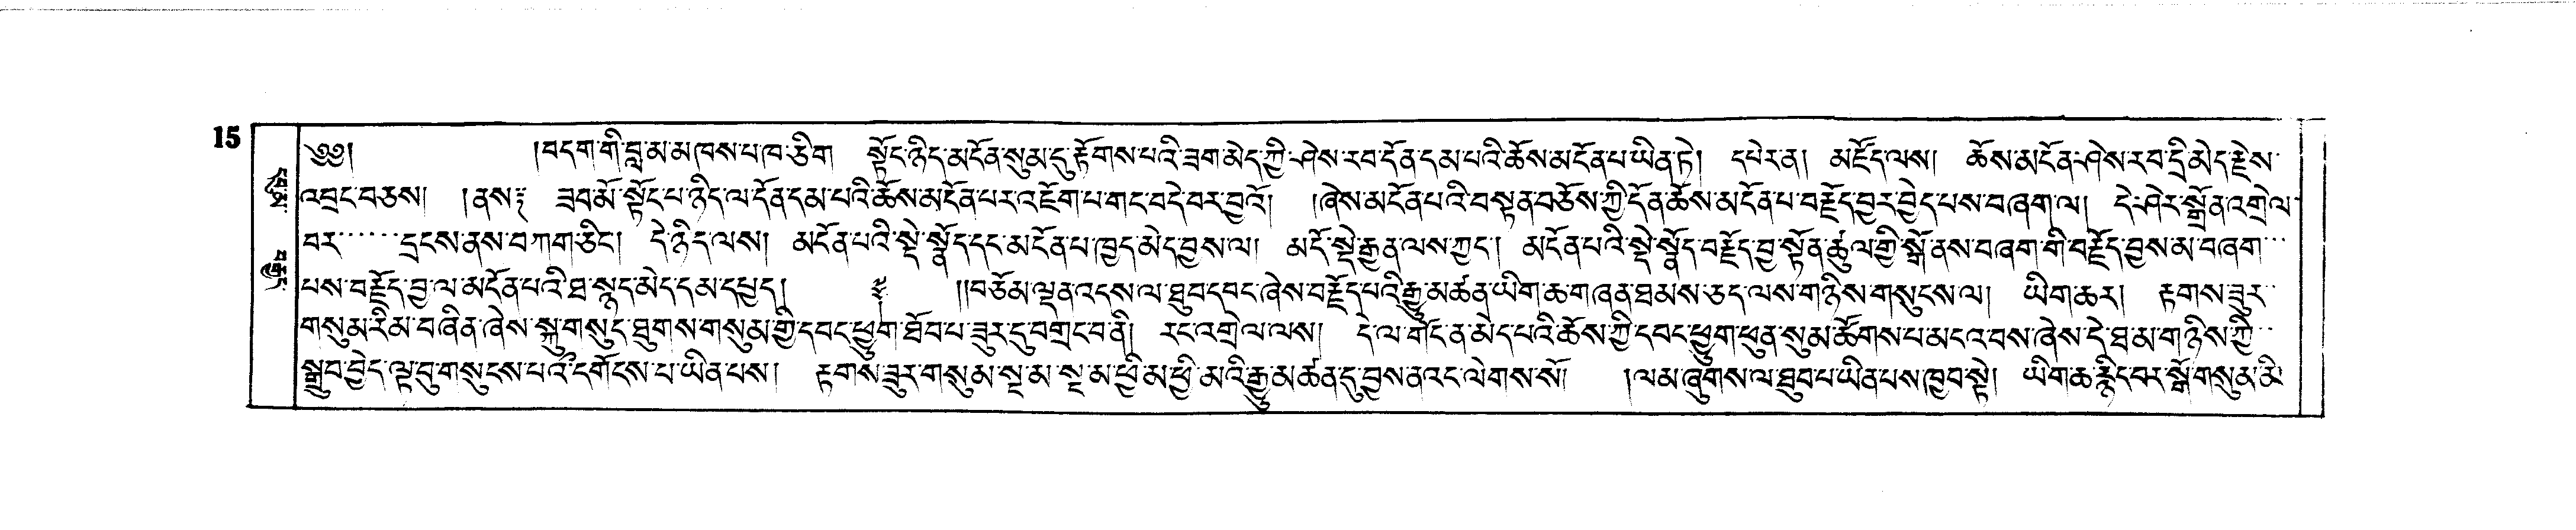༄༅། །བདག་གི་བླ་མ་མཁས་པ་ཁ་ཅིག་སྟོང་ཉིད་མངོན་སུམ་དུ་རྟོགས་པའི་ཟག་མེད་ཀྱི་ཤེས་རབ་དོན་དམ་པའི་ཆོས་མངོན་པ་ཡིན་ཏེ། དཔེར་ན། མཛོད་ལས། ཆོས་མངོན་ཤེས་རབ་དྲི་མེད་རྗེས་
འབྲང་བཅས། །ནས། ཟབ་མོ་སྟོང་པ་ཉིད་ལ་དོན་དམ་པའི་ཆོས་མངོན་པར་འཇོག་པ་གང་བདེ་བར་བྱའོ། །ཞེས་མངོན་པའི་བསྟན་བཅོས་ཀྱི་དོན་ཆོས་མངོན་པ་བརྗོད་བྱར་བྱེད་པས་བཞག་ལ། དེ་ཤེར་སྒྲོན་འགྲེལ་
བར་དྲངས་ནས་བཀག་ཅིང་། དེ་ཉིད་ལས། མངོན་པའི་སྡེ་སྣོད་དང་མངོན་པ་ཁྱད་མེད་བྱས་ལ། མདོ་སྡེ་རྒྱན་ལས་ཀྱང་། མངོན་པའི་སྡེ་སྣོད་བརྗོད་བྱ་སྟོན་ཚུལ་གྱི་སྒོ་ནས་བཞག་གི་བརྗོད་བྱས་མ་བཞག་
པས་བརྗོད་བྱ་ལ་མངོན་པའི་ཐ་སྙད་མེད་དམ་དཔྱད། ༈ །།བཅོམ་ལྡན་འདས་ལ་ཐུབ་དབང་ཞེས་བརྗོད་པའི་རྒྱུ་མཚན་ཡིག་ཆ་གཞན་ཐམས་ཅད་ལས་གཉིས་གསུངས་ལ། ཡིག་ཆར། རྟགས་ཟུར་
གསུམ་རིམ་བཞིན་ཞེས་སྐུ་གསུང་ཐུགས་གསུམ་གྱི་དབང་ཕྱུག་ཐོབ་པ་ཟུར་དུ་བགྲང་བ་ནི། རང་འགྲེལ་ལས། དེ་ལ་གོང་ན་མེད་པའི་ཆོས་ཀྱི་དབང་ཕྱུག་ཕུན་སུམ་ཚོགས་པ་མངའ་བས་ཞེས་དེ་ཐ་མ་གཉིས་ཀྱི་
སྒྲུབ་བྱེད་ལྟ་བུ་གསུངས་པའི་དགོངས་པ་ཡིན་པས། རྟགས་ཟུར་གསུམ་སྔ་མ་སྔ་མ་ཕྱི་མ་ཕྱི་མའི་རྒྱུ་མཚན་དུ་བྱས་ནའང་ལེགས་སོ། །ལམ་ཞུགས་ལ་ཐུབ་པ་ཡིན་པས་ཁྱབ་སྟེ། ཡིག་ཆ་རྙིང་བར་སྒོ་གསུམ་མི་